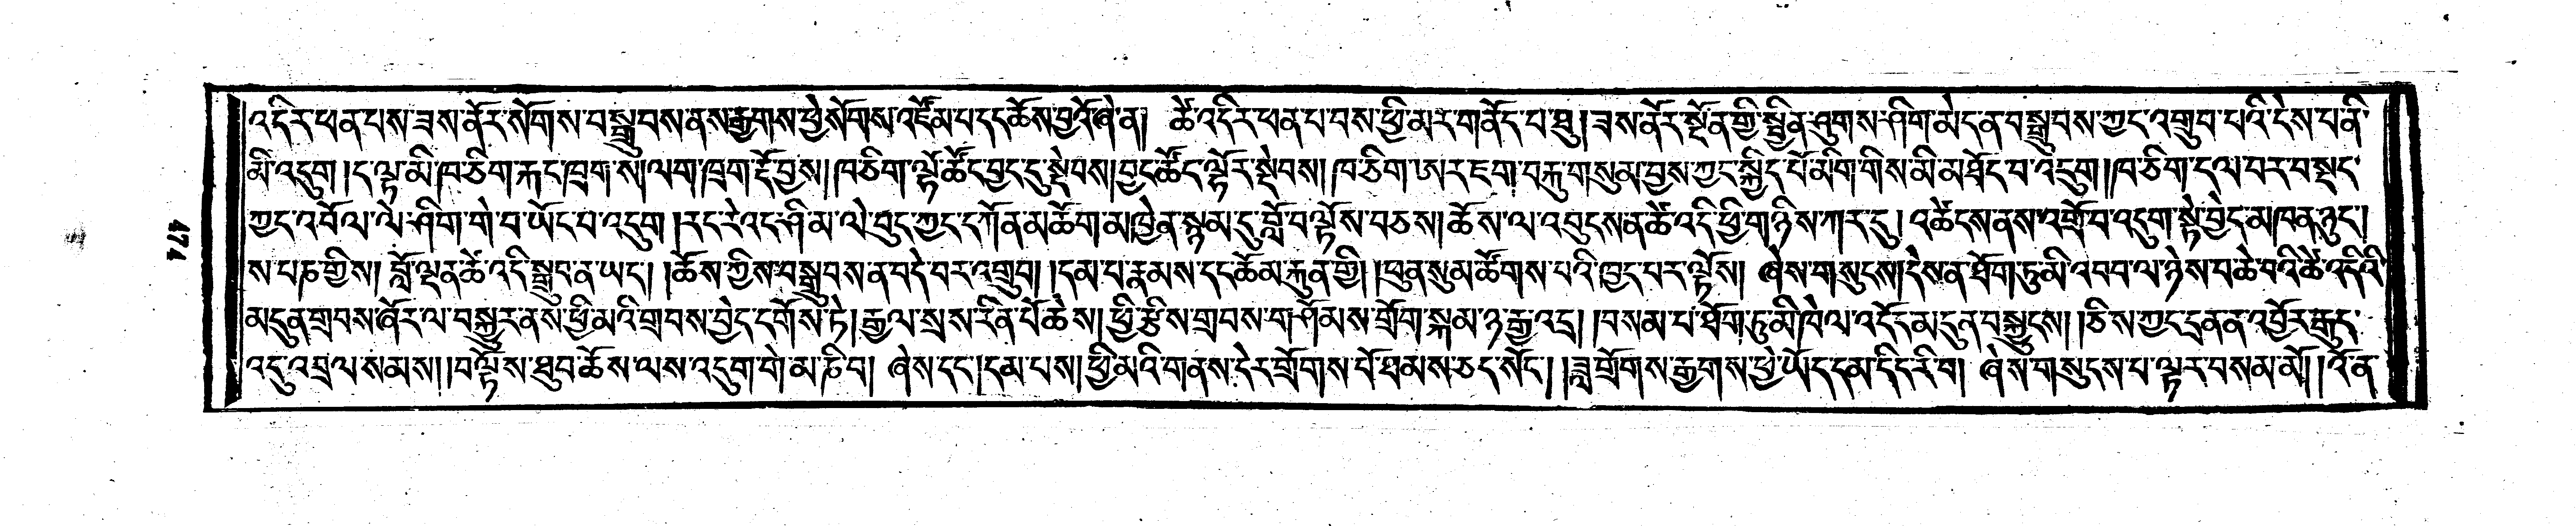འདིར་ཕན་པས་ཟས་ནོར་སོགས་བསྒྲུབས་ནས་རྒྱགས་ཕྱེ་སོགས་འཛོམ་པ་དང་ཆོས་བྱའོ་ཞེ་ན། ཚེ་འདིར་ཕན་པ་ཟས་ཕྱི་མར་གནོད་པ་ཐུ། ཟས་ནོར་སྔོན་གྱི་སྤྱིན་ཤུགས་ཤིག་མེད་ན་བསྒྲུབས་ཀྱང་འགྲུབ་པའི་ངེས་པ་ནི་
མི་འདུག །ད་ལྟ་མི་ཁ་ཅིག་རྐང་ཁྲག་ས། ལག་ཁྱག་རྡོ་བྱས། ཁ་ཅིག་ལྷོ་ཚོང་བྱང་དུ་སྡེབས། བྱང་ཚོང་ལྷོར་སྡེབས། ཁ་ཅིག་ཨར་ཇག་བརྐུ་གསུམ་བྱས་ཀྱང་སྐྱིད་པོ་མིག་གིས་མི་མཐོང་བ་འདུག །ཁ་ཅིག་དལ་བར་བསྡད་
ཀྱང་འབོལ་ལེ་ཤིག་གེ་བ་ཡོང་བ་འདུག །རང་རེའང་ཤི་མ་ལེ་བུང་ཀྱང་དཀོན་མཆོག་མཁྱེན་སྙམ་དུ་བློ་བལྟོས་བཅས། ཆོས་ལ་འབུངས་ན་ཚེ་འདི་ཕྱི་གཉིས་ཀར་དུ། འཚེངས་ནས་འགྲོ་བ་འདུག་སྟེ་བྱེད་མཁན་ཉུང་།
ས་པཎ་གྱིས། བློ་ལྡན་ཚེ་འདི་སྒྲུབ་ན་ཡང་། །ཆོས་ཀྱིས་བསྒྲུབས་ན་བདེ་བར་འགྲུབ། །དམ་པ་རྣམས་དང་ཆོམ་རྐུན་གྱི། །ཕུན་སུམ་ཚོགས་པའི་ཁྱད་པར་ལྟོས། ཞེས་གསུངས། དེས་ན་ཐོག་ཏུ་མི་འབབ་ལ་ཉེས་པ་ཆེ་བའི་ཚེ་འདིའི་
མདུན་གྲབས་ཞོར་ལ་བསྐྱུར་ནས་ཕྱི་མའི་གྲབས་བྱེད་དགོས་ཏེ། རྒྱལ་སྲས་རིན་པོ་ཆེས། ཕྱི་རྩིས་གྲབས་གཤོམས་གྲོག་སྐམ་ཉ་རྒྱ་འདྲ། །བསམ་པ་ཐོག་ཏུ་མི་ཁེལ་འདོད་མདུན་བསྐྱུངས། །ཅིས་ཀྱང་དྲན་ན་འབྱོར་རྒུད་
འདུ་འབྲལ་སེམས། །བལྟོས་ཐུབ་ཆོས་ལས་འདུག་གེ་མ་ཎི་བ། ཞེས་དང་། དམ་པས། ཕྱི་མའི་གནས་དེར་གྲོགས་པོ་ཐམས་ཅད་སོང་། །ཟླ་གྲོགས་རྒྱགས་ཕྱེ་ཡོད་དམ་དིང་རི་བ། ཞེས་གསུངས་པ་ལྟར་བསམ་མོ། །འོ་ན་